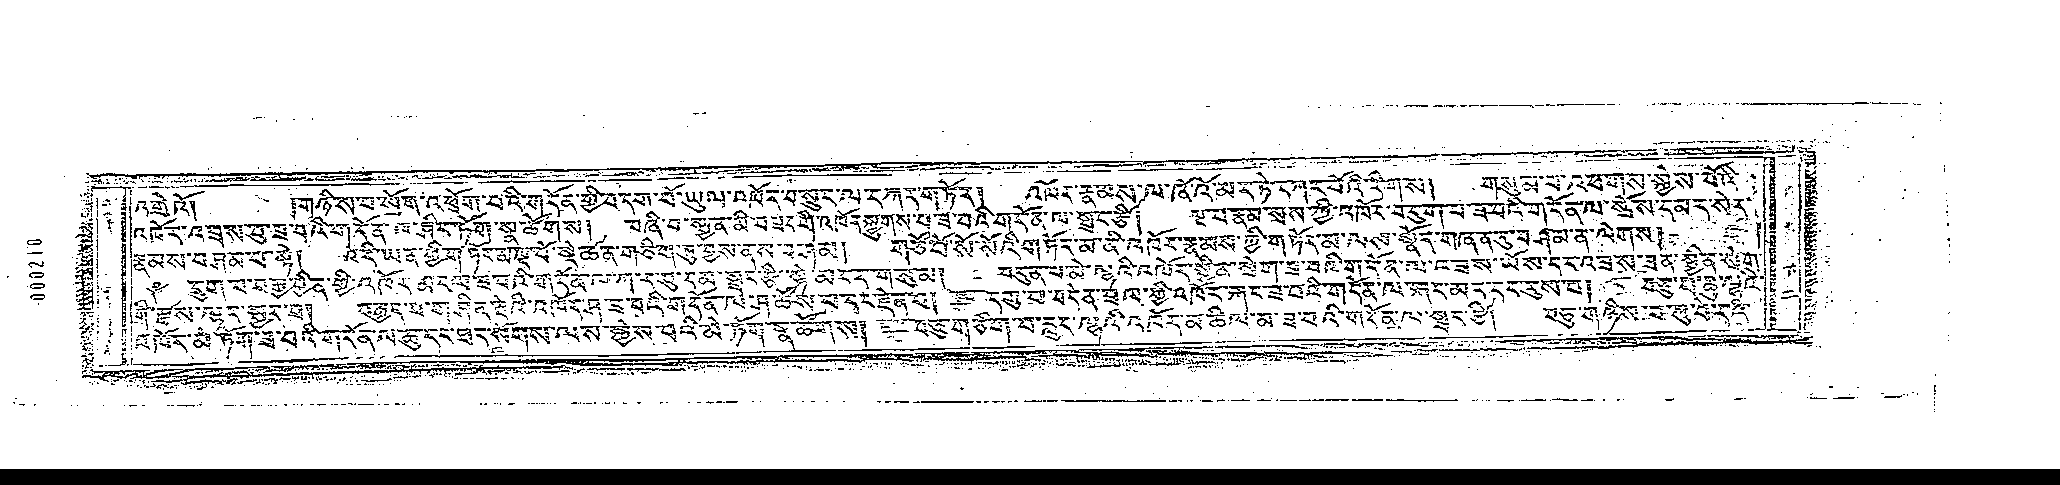འགྲེའོ། །གཉིས་པ་སྲོག་འཕྲོག་པའི་གདོན་གྱི་བདག་པོ་ཡུལ་འཁོར་བསྲུང་ལ་དཀར་གཏོར། འཁོར་རྣམས་ལ་ཞོའོ་མར་ཏེ་དཀར་པོའི་རིགས། །གསུམ་པ་འཕགས་སྐྱེས་པོའི།
འཁོར་འབྲས་བུ་ཟ་བའི་གདོན་ལ་ཤིང་ཏོག་སྣ་ཚོགས། བཞི་པ་སྤྱན་མི་བཟང་གི་འཁོང་སྐྱུགས་པ་ཟ་བའི་གདོན་ལ་སྤྲང་རྩི། ལྔ་པ་རྣམ་སྲས་ཀྱི་འཁོར་བདུག་པ་ཟ་བའི་གདོན་ལ་སྤོས་དམར་སེར་
རྣམས་བཤམ་པ་སྟེ། འདི་ཡན་གྱི་གཏོར་མ་ལྔ་པོ་སྡེ་ཚན་གཅིག་ཏུ་བྱས་ནས་བཤམ། གཙོ་བོ་སོ་སོའི་གཏོར་མ་ནི་འཁོར་རྣམས་ཀྱི་གཏོར་མ་ལས་སྣོད་གཞན་དུ་བཤམ་ན་ལེགས། །
༈ །དྲུག་པ་བརྒྱ་བྱིན་གྱི་འཁོར་མངལ་ཟ་བའི་གདོན་ལ་ཀ་ར་བུ་རམ་སྦྲང་རྩི་སྟེ་མངར་གསུམ། བདུན་པ་མེ་ལྷའི་འཁོར་སྦྱིན་སྲེག་ཟ་བའི་གདོན་ལ་འབྲས་ཡོས་དང་འབྲས་ཟན་སྦྱིན་སྲེག་
གི་རྫས་ལྟར་སྦྱར་བ། བརྒྱད་པ་གཤིན་རྗེའི་འཁོར་ཤ་ཟ་བའི་གདོན་ལ་ཤ་ཚོས་པ་དང་རྗེན་པ། དགུ་པ་བདེན་བྲལ་གྱི་འཁོར་རྐང་ཟ་བའི་གདོན་ལ་རྐང་མར་དང་རུས་པ། བཅུ་པ་ཆུ་ལྷའི་
འཁོར་མེ་ཏོག་ཟ་བའི་གདོན་ལ་ཆུ་དང་ཐང་སོགས་ལས་སྐྱེས་པའི་མེ་ཏོག་སྣ་ཚོགས། བཅུ་གཅིག་པ་རླུང་ལྷའི་འཁོར་མཆིལ་མ་ཟ་བའི་གདོན་ལ་སྤྲད་རྩི། བཅུ་གཉིས་པ་ཀུ་བེ་རའི་